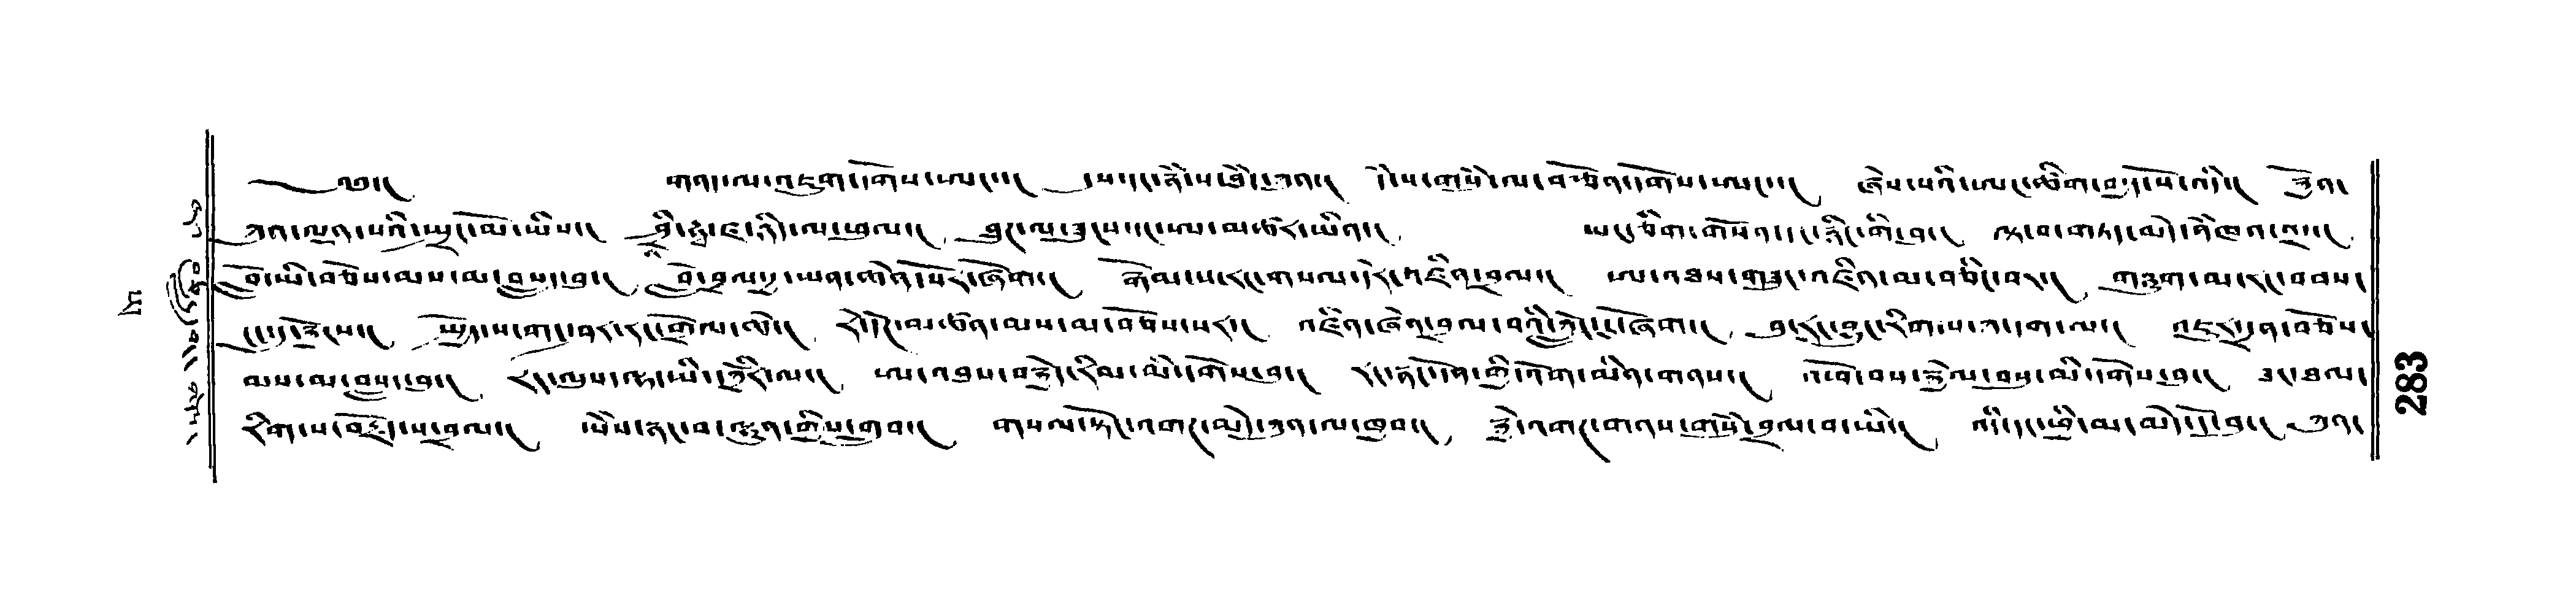གནད་ལ་འཇུག་དགོས་ཨང་། །དུས་དང་རྣམ་པ་ཐམས་ཅད་ཀུན། །དམ་པ་གསུམ་ལ་བརྩོན་དགོས་ཨང་། །ཞེས་པའི་ཨང་ཚིག་བརྒྱད་པོ་འདི། །སྐྱོན་
ཀུན་ལྡན་པའི་སྤྲང་མོ་ཡིས། ཤྲཱི་དྷྭ་ཛ་ཉིད་ལ་ཕུལ། །ཐུགས་ལ་ཟུངས་དང་ཨ་མཚར་ཡིན། །ཡང་ཅིག་གསོན་དང་སྙིང་གི་བུ། །ལྟ་བ་གཏད་མེད་ནམ་མཁའ་འདྲ། །
བློ་ཡིས་བཅོས་མས་མ་བསླད་བུ། །བློ་བྲལ་རྒྱ་ཡན་ཆེན་པོར་ཞོག །སྒོམ་པ་རང་གསལ་དེར་འཛིན་བྲལ། །ཨ་འཐས་གཟུང་འཛིན་མ་བཅིང་བར། །གཉུག་མ་རང་བབས་
ངང་དུ་སྐྱོངས། །སྤྱོད་པ་གང་ཤར་རང་གྲོལ་ཆེ། །རེ་དོགས་མཚན་མས་མ་བཅོས་པར། །འཛིན་ཞེན་བྲལ་བའི་ཀློང་དུ་ཞོག །བུ་རང་བྱུང་རིག་པ་ཀ་དག་ལ། །འཇུར་དྲན་བཅོས་
མས་མ་བསླད་བུ། །རང་ལུས་ལྷ་ཡི་དཀྱིལ་འཁོར་ལ། །ཨ་འཐས་བསྐྱེད་རིམ་མི་དགོས་བུ། །རང་སྣང་དོན་གྱི་འོག་མིན་གནས། །འཕོ་བས་སྐྱེལ་བསུ་མི་དགོས་བུ། །ཟང་ཐལ་
རིག་པ་བརྗོད་པ་བྲལ། །ཡེ་ཤེས་སྣང་བ་ལྷུན་གྱིས་གྲུབ། །གསལ་སྟོང་འགགས་མེད་ཀུན་ལ་ཁྱབ། །སྐྱེ་འགགས་གནས་གསུམ་བྲལ་བ་ཡི། །འདི་དང་ཕྱི་མ་མེད་དོ་བུ། །ཀུན་